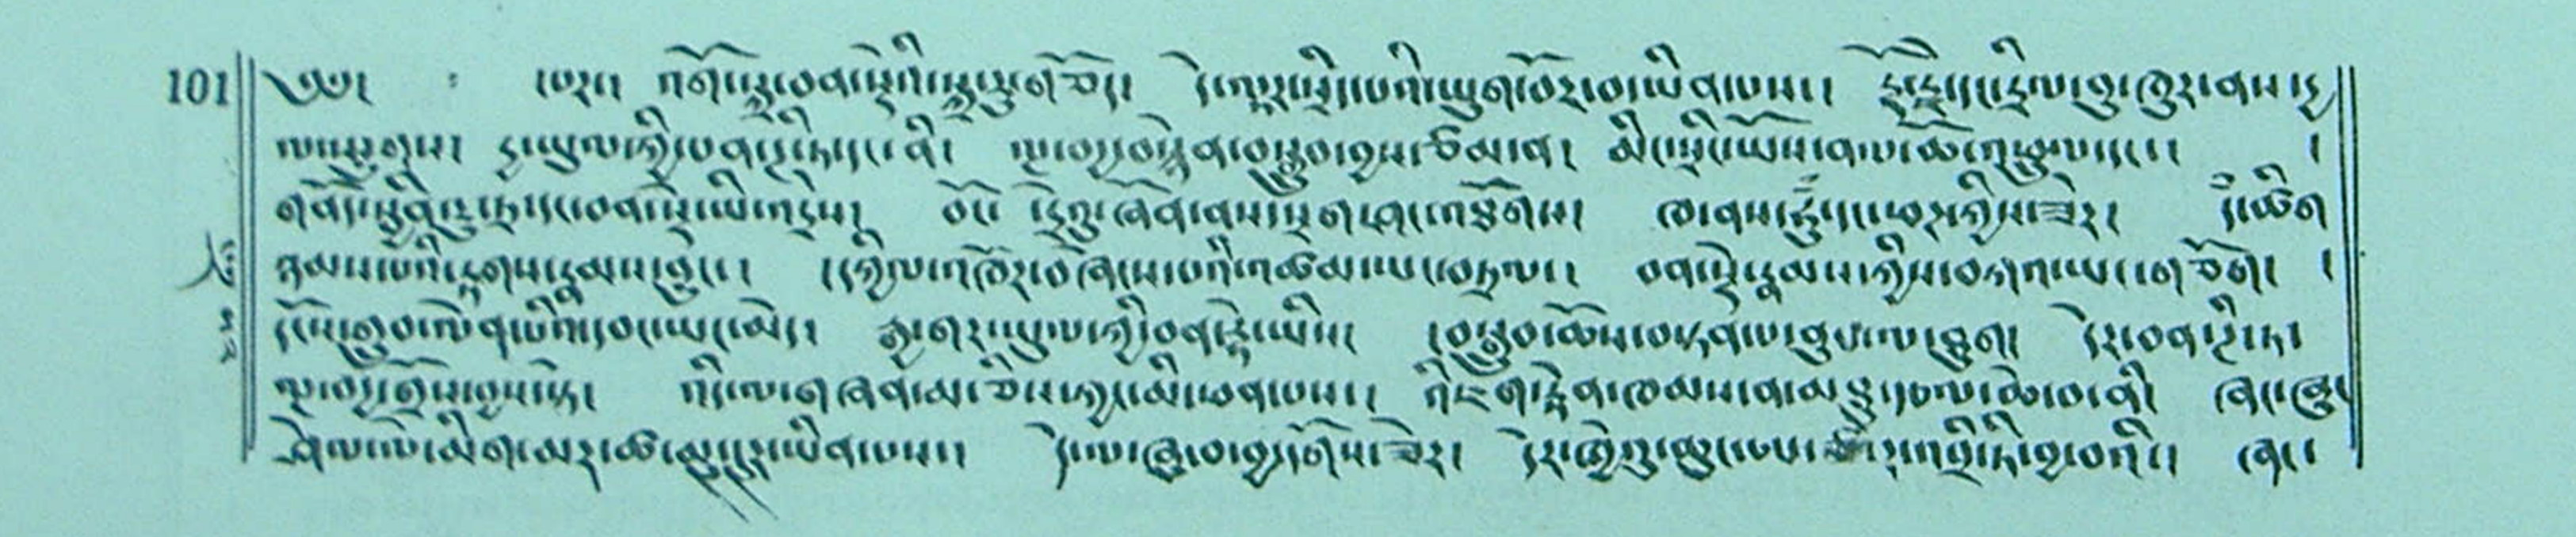༄༅། །པར་། མགོ་སྐྲ་བན་སྡེའི་སྐྲ་རུ་གཅོད། དེ་ལྟར་སྲིད་པའི་ཡུག་བོར་བ་ཡིན་པས། རྡོ་རྗེ་དང་དྲིལ་བུ་ཁུར་ནས་རྒྱ་
ལ་སྤྱུགས། རྒྱ་ཡུལ་གྱི་པནྚི་ཏ་དང་ནི། ལྔ་བརྒྱ་བསྙེན་སྒྲུབ་བྱས་ཙམ་ན། མིང་སྲིང་ཡོས་ནལ་ཆོ་འཕྲུལ་དང་། 
གནོད་སྦྱིན་རུ་ཏྲ་བན་དྷེ་ཡི་འདྲེས། བོང་དྲེའུ་ཞོན་ནས་སྲག་ཤང་འཐོགས། ཁ་ནས་ཧཱུཾ་དང་ཕཊ་ཀྱིས་ཟེར། དམ་ཚིག་
ཉམས་པའི་རྟགས་རྣམས་བྱུང་། དཀྱིལ་འཁོར་བཞེངས་པའི་འཚམ་ཡང་བཏྲལ། བན་དྷེ་རྣམས་ཀྱིས་བཀའ་ཡང་གཅོག 
དངོས་གྲུབ་ལེན་པའི་དབང་ཡང་མེད། རྒྱ་གར་ཡུལ་གྱི་བན་དྷེ་ཡིས། བསྒྲུབ་ཆོས་བསྟན་པ་ནུབ་ལ་ཐུག དེར་བན་ཊི་ཏ་
ལྔ་བརྒྱ་གྲོས་བྱས་ཏེ། འདི་ལ་གཞན་མ་ཅིས་ཀྱང་མི་ཕན་པས། འཇིག་རྟེན་ཁམས་ན་མཐུ་རྩལ་ཆེ་བ་ནི། ཞང་ཞུང་
ཤེལ་ལེ་མིག་དམར་ཚ་མུ་ངུར་ཡིན་པས། དེ་ལ་ཞུ་བ་བྱ་དགོས་ཟེར། དེར་ཁྱེའུ་ཆུང་ཨ་ཙ་ར་འབྲི་ཏི་བྱ་བའི། ཞང་